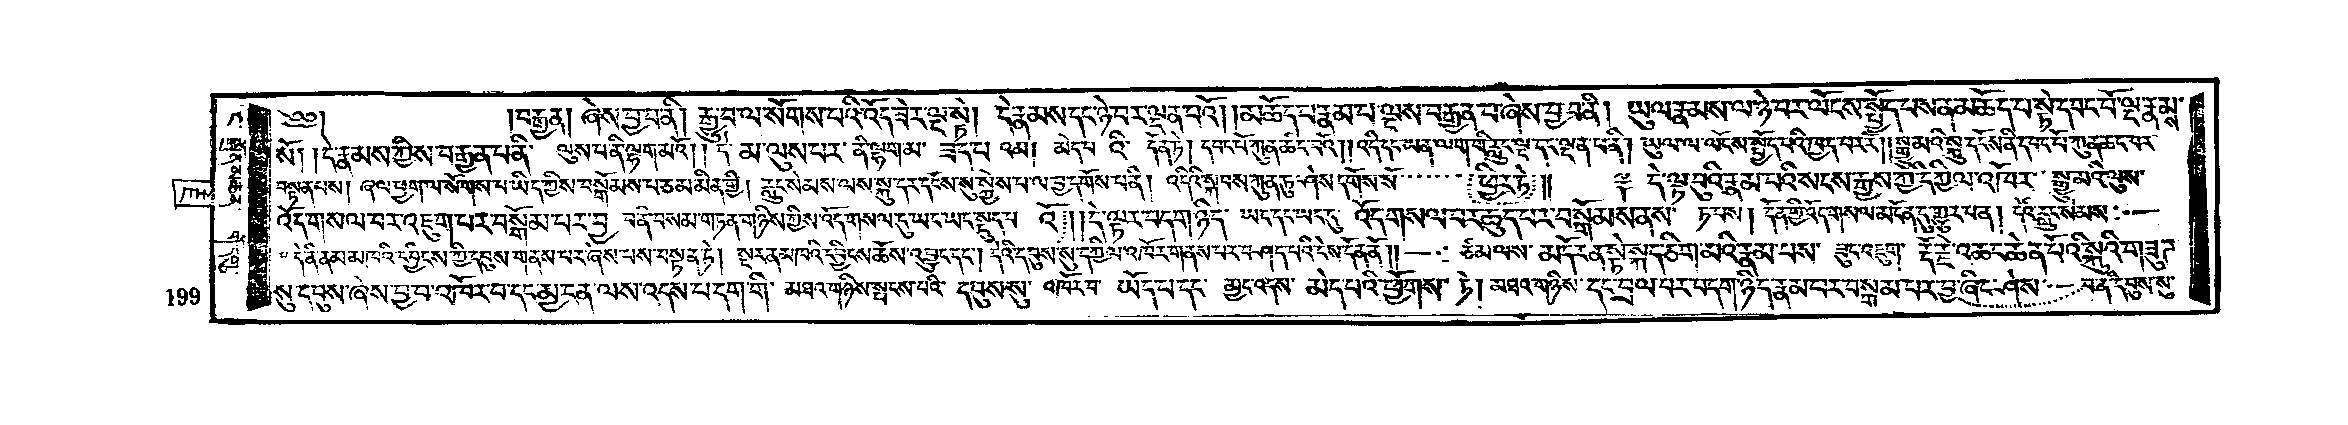༄༅། །བརྒྱན། ཞེས་བྱ་བ་ནི། རྒྱུ་བ་ལ་སོགས་པའི་འོད་ཟེར་ལྔ་སྟེ། དེ་རྣམས་དང་ཉེ་བར་ལྡན་པའོ། །མཆོད་པ་རྣམ་པ་ལྔས་བརྒྱན་པ་ཞེས་བྱ་བ་ནི། ཡུལ་རྣམས་ལ་ཉེ་བར་ལོངས་སྤྱོད་པས་ན་མཆོད་པ་སྟེ་དབང་པོ་ལྔ་རྣམས་
སོ། །དེ་རྣམས་ཀྱིས་བརྒྱན་པ་ནི་ལུས་པ་ནི་ལྷག་མའོ། །དེ་མ་ལུས་པར་ནི་ལྷག་མ་ཟད་པ་འམ། མད་པའི་དོན་ཏེ། དབང་པོ་ཀུན་ཚང་བའོ། །འདི་དང་ཡན་ལག་གི་རླུང་ལྔ་དང་ལྡན་པ་ནི། ཡུལ་ལ་ལངས་སྤྱོད་པའི་ཁྱད་པར་རོ། །སྒྱུ་མའི་སྐུ་དངོས་ནི་དབང་པོ་ཀུན་ཆང་བར་
བསྟན་པས། ཞལ་ཕྱག་ལ་སོགས་པ་ཡིད་ཀྱིས་བསྒོམས་པ་ཙམ་མིན་གྱི། རླུང་སེམས་ལས་སྐུ་དར་དངོས་སུ་སྐྱེས་པ་ལ་བྱ་དགོས་པ་ནི། འདིའི་སྐབས་ཀུན་ཏུ་ཤེས་དགོས་སོ་ཕྱིར་ཏེ།། ༈ དེ་ལྟ་བུའི་རྣམ་པའི་སངས་རྒྱས་ཀྱི་དཀྱིལ་འཁོར་སྒྱུ་མའི་ལུས
འོད་གསལ་བར་འཇུག་པར་བསྒོམ་པར་བྱ་བ་ནི་བསམ་གཏན་གཉིས་ཀྱིས་འོད་གསལ་དུ་ཡང་ཡང་སྡུད་པའོ། །དེ་ལྟར་བདག་ཉིད་ཡང་དང་ཡང་དུ་འོད་གསལ་བར་ཚུད་པར་བསྒོམས་ནས་ཏ་པས། དོན་གྱི་འོད་གསལ་མངོན་དུ་གྱུར་པ་ན། དེའི་རླུང་སེམས་
༧དེ་ནི་ནམ་མཁའི་དབྱིངས་ཀྱི་དབུས་གནས་པར་ཞེས་པས་བསྟན་ཏེ། སྔར་ནམ་མཁའི་དབྱིངས་ཆོས་འབྱུང་དང་། དེའི་དབུས་སུ་དཀྱིལ་འཁོར་གནས་པར་བཤད་པའི་ངེས་དོན་ནོ།། ཙམ་ལས་མདོར་ན་སྟེ་སྐད་ཅིག་མའི་རྣམ་པས་ཟུང་འཇུག་རྡོ་རྗེ་འཆང་ཆེན་པོའི་སྐུའི་གཟུགས་
སུ་དབུས་ཞེས་བྱ་བ་འཁོར་བ་དང་མྱ་ངན་ལས་འདས་པ་དག་གི་མཐའ་གཉིས་སྤངས་པའི་དབུས་སུ་འཁོར་བ་ཡོད་པ་དང་མྱང་འདས་མེད་པའི་ཕྱོགས་ཏེ། མཐའ་གཉིས་དང་བྲལ་བར་བདག་ཉིད་རྣམ་པར་བསྒོམ་པར་བྱ་ཞིང་ཤེས་བ་ནི་དབུས་སུ་